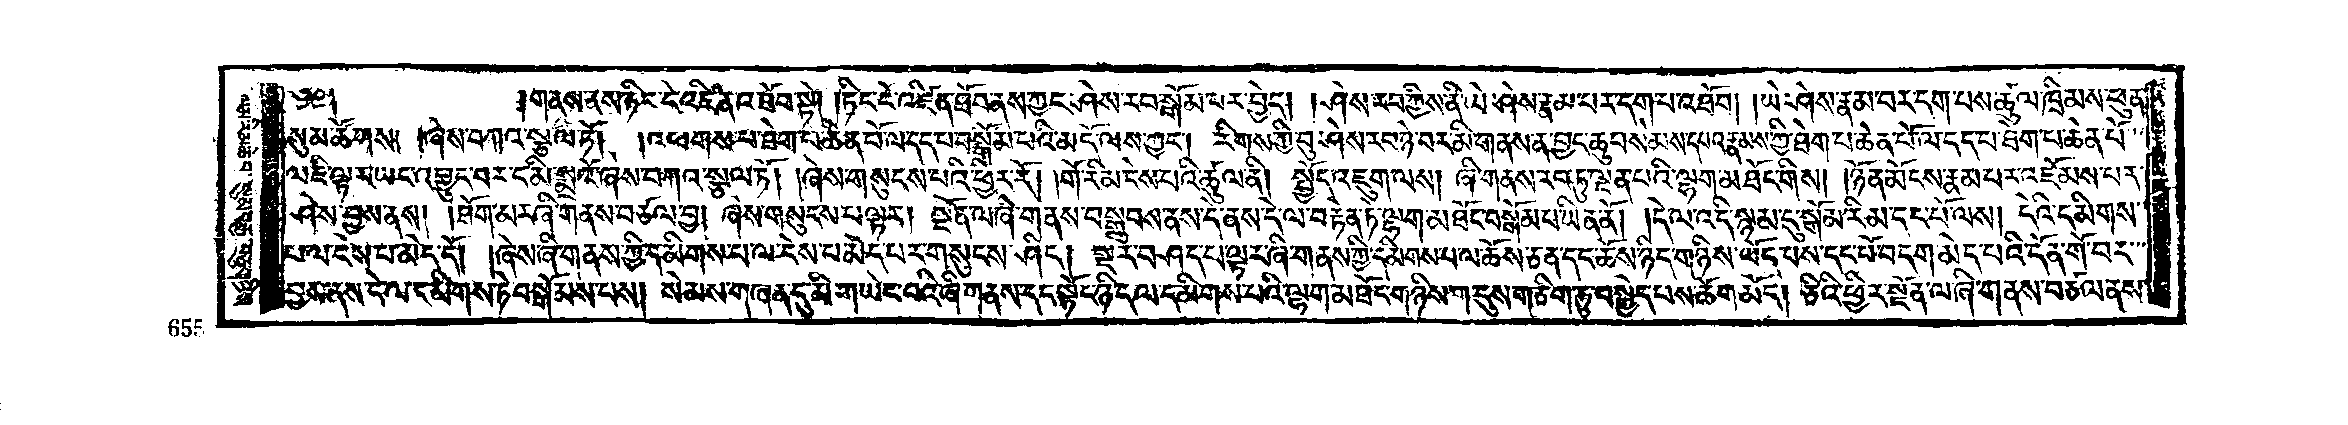༄༅། །གནས་ནས་ཏིང་ངེ་འཛིན་འཐོབ་སྟེ། །ཏིང་ངེ་འཛིན་ཐོབ་ནས་ཀྱང་ཤེས་རབ་སྒོམ་པར་བྱེད། །ཤེས་རབ་ཀྱིས་ནི་ཡེ་ཤེས་རྣམ་པར་དག་པ་འཐོབ། །ཡེ་ཤེས་རྣམ་པར་དག་པས་ཚུལ་ཁྲིམས་ཕུན་
སུམ་ཚོགས། །ཞེས་བཀའ་སྩལ་ཏོ། །འཕགས་པ་ཐེག་པ་ཆེན་པོ་ལ་དད་པ་བསྒོམ་པའི་མདོ་ལས་ཀྱང་། རིགས་ཀྱི་བུ་ཤེས་རབ་ཉེ་བར་མི་གནས་ན་བྱང་ཆུབ་སེམས་དཔའ་རྣམས་ཀྱི་ཐེག་པ་ཆེན་པོ་ལ་དད་པ་ཐེག་པ་ཆེན་པོ་
ལ་ཇི་ལྟར་ཡང་འབྱུང་བར་ང་མི་སྨྲའོ་ཞེས་བཀའ་སྩལ་ཏོ། །ཞེས་གསུངས་པའི་ཕྱིར་རོ། །གོ་རིམ་ངེས་པའི་ཚུལ་ནི། སྤྱོད་འཇུག་ལས། ཞི་གནས་རབ་ཏུ་ལྡན་པའི་ལྷག་མཐོང་གིས། །ཉོན་མོངས་རྣམ་པར་འཇོམས་པར་
ཤེས་བྱས་ནས། །ཐོག་མར་ཞི་གནས་བཙལ་བྱ། ཞེས་གསུངས་པ་ལྟར། སྔོན་ལ་ཞི་གནས་བསྒྲུབས་ནས་དེ་ནས་དེ་ལ་བརྟེན་ཏེ་ལྷག་མཐོང་བསྒོམ་པ་ཡིན་ནོ། །དེ་ལ་འདི་སྙམ་དུ་སྒོམ་རིམ་དང་པོ་ལས། དེའི་དམིགས་
པ་ལ་ངེས་པ་མེད་དོ། །ཞེས་ཞི་གནས་ཀྱི་དམིགས་པ་ལ་ངེས་པ་མེད་པར་གསུངས་ཤིང་། སྔར་བཤད་པ་ལྟར་ཞི་གནས་ཀྱི་དམིགས་པ་ལ་ཆོས་ཅན་དང་ཆོས་ཉིད་གཉིས་ཡོད་པས་དང་པོ་བདག་མེད་པའི་དོན་གོ་བར་
བྱས་ནས་དེ་ལ་དམིགས་ཏེ་བསྒོམས་པས། སེམས་གཞན་དུ་མི་གཡེང་བའི་ཞི་གནས་དང་སྟོང་ཉིད་ལ་དམིགས་པའི་ལྷག་མཐོང་གཉིས་ཀ་དུས་གཅིག་ཏུ་བསྐྱེད་པས་ཆོག་མོད། ཅིའི་ཕྱིར་སྔོན་ལ་ཞི་གནས་བཙལ་ནས་